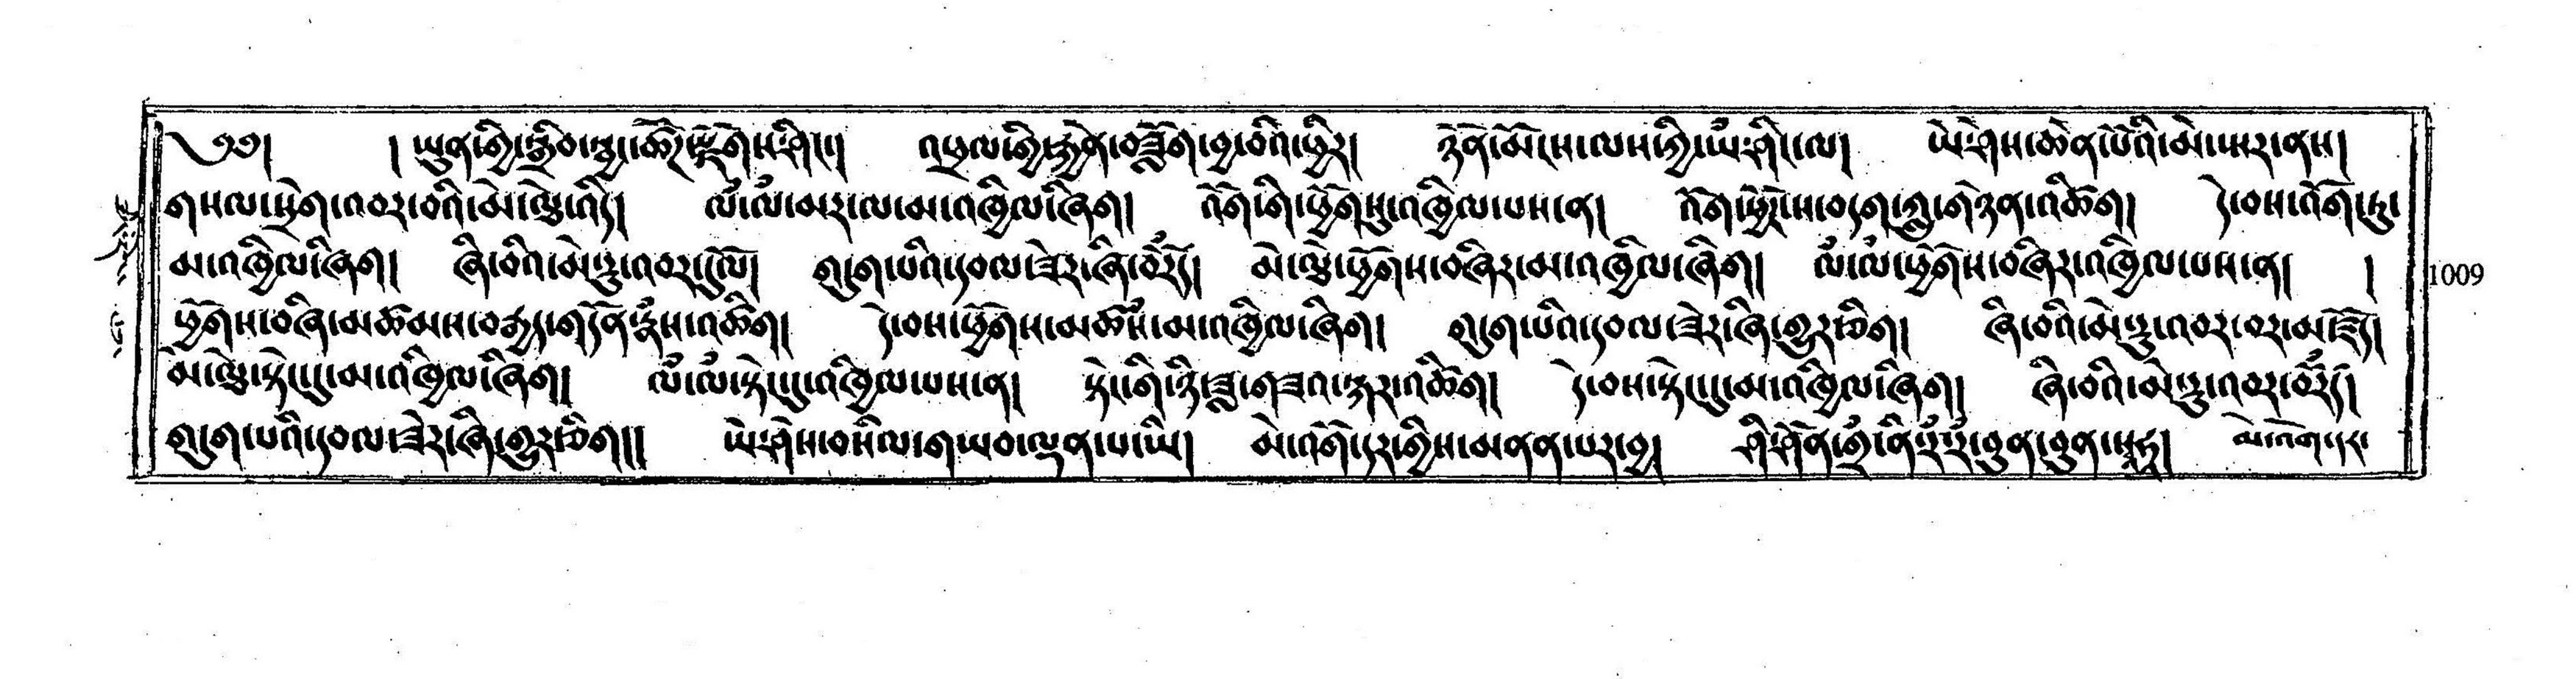ཡུན་གྱི་སྒྲིབ་སྦྱང་ཚོགས་རྫོགས་ཤིང་། འཕྲལ་གྱི་རྐྱེན་བཟློག་བྱ་བའི་ཕྱིར། ཉོན་མོངས་ལས་ཀྱི་ཡཾ་ཤིང་ལ། ཡེ་ཤེས་ཆེན་པོའི་མེ་སྤར་ནས། 
གསལ་སྲེག་འབར་བའི་མེ་ལྕེ་འདི། ལཾ་ལཾ་མར་ལ་མ་འཁྱིལ་ཞིག འོག་གི་ཕྱོགས་སུ་འཁྱིལ་པས་ན། འོག་ཕྱོགས་བདག་ཀླུ་གཉེན་འཚིག དེ་བས་འོག་ཏུ་
མ་འཁྱིལ་ཞིག ཞི་བའི་མེ་རུ་འབར་དུ་གསོལ། གདུག་པའི་དབལ་ཟེར་ཞི་བར་མཛོད། མེ་ལྕེ་ཕྱོགས་བཞིར་མ་འཁྱིལ་ཞིག ལཾ་ལཾ་ཕྱོགས་བཞིར་འཁྱིལ་པས་ན། 
ཕྱོགས་བཞི་མཚམས་བརྒྱད་གདོན་རྣམས་འཚིག དེ་བས་ཕྱོགས་མཚམས་མ་འཁྱིལ་ཞིག གདུག་པའི་དབལ་ཟེར་ཞི་གྱུར་ཅིག ཞི་བའི་མེ་རུ་འབར་བར་མཛོད། 
མེ་ལྕེ་སྟེང་དུ་མ་འཁྱིལ་ཞིག ལཾ་ལཾ་སྟེང་དུ་འཁྱིལ་པས་ན། སྟེང་གི་ཉི་ཟླ་གཟའ་སྐར་འཚིག དེ་བས་སྟེང་དུ་མ་འཁྱིལ་ཞིག ཞི་བའི་མེ་རུ་འབར་བར་མཛོད། 
གདུག་པའི་དབལ་ཟེར་ཞི་གྱུར་ཅིག ཡེ་ཤེས་བསིལ་གཡབ་ལྡན་པ་ཡི། མེ་འགོ་དར་གྱིས་མནན་པར་བྱ། ཤི་ཤོན་གྲཾ་ནི་རཾ་རཾ་བུན་བུན་སྭཧཱ། མེ་འོག་དར་